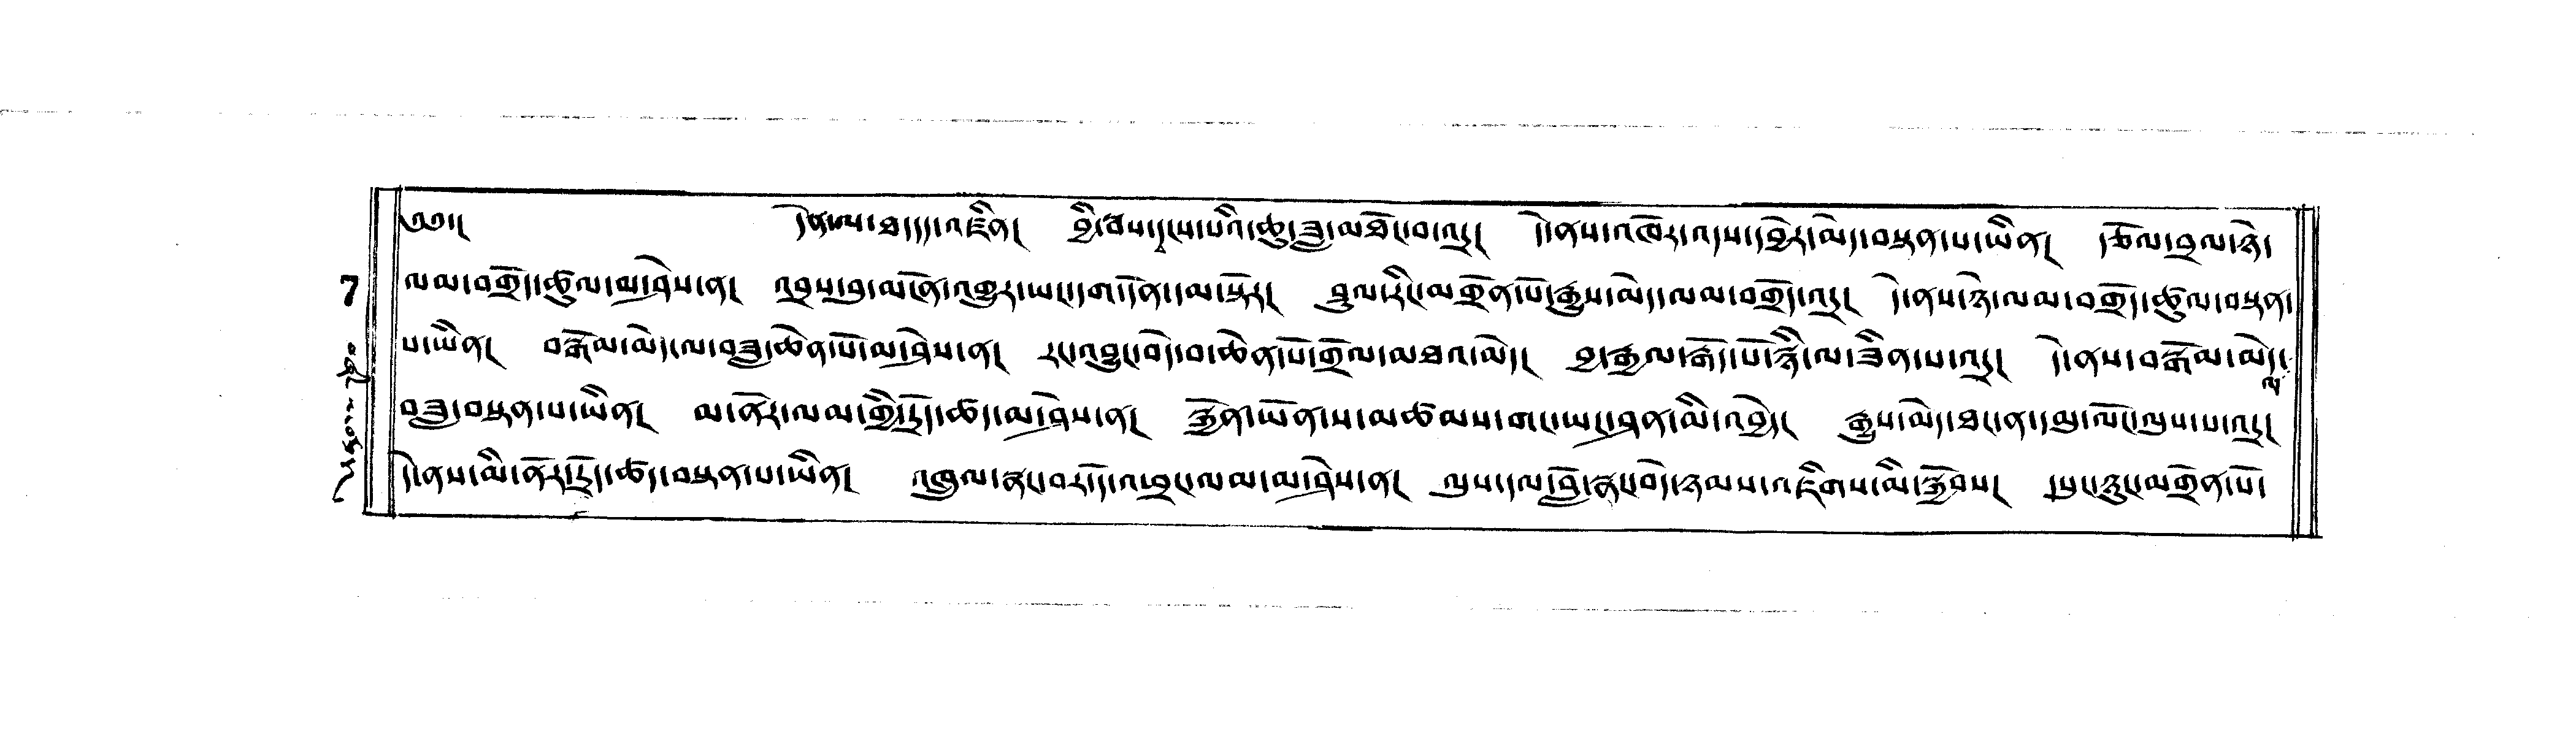དོན་ལ་ཐ་དད་འཛིན། བྱི་སྦས་དངས་པའི་ཆུ་ཟླ་མཐོང་བ་འདྲ། དེ་ནས་འཁོར་འདས་དབྱེར་མེད་བསྟན་པ་ཡིན། རྩོལ་བྲལ་ཉེ་
ལམ་བགྲོད་ཚུལ་མ་ཤེས་ན། འབྲས་བུ་མངོན་གྱུར་ཡང་དག་དོན་དམ་སྟོར། ཤུལ་རིང་མགྲོན་པོ་རྒྱུས་མེད་ལམ་བགྲོད་འདྲ། དེ་ནས་ཉེ་ལམ་བགྲོད་ཚུལ་བསྟན་
པ་ཡིན། བསྒོམ་མེད་ལ་བཟླ་ཆེན་པོ་མ་ཤེས་ན། རང་འབྱུང་བདེ་བ་ཆེན་པོ་གྲོལ་མཐའ་མེད། བྱ་རྒྱལ་རྒོད་པོ་ཉི་མ་ཟིན་པ་འདྲ། དེ་ནས་བསྒོམ་མེད་ལ་
བཟླ་བསྟན་པ་ཡིན། མ་ནོར་ལམ་ཁྲིད་དྲོད་ཚད་མ་ཤེས་ན། སྐྱོན་ཡོན་ས་མཚམས་གང་ཡང་ཤན་མི་འབྱེད། རྒྱུས་མེད་ཐང་ན་དམུ་ལོང་ལུས་པ་འདྲ། 
དེ་ནས་མི་ནོར་དྲོད་ཚད་བསྟན་པ་ཡིན། འཁྲུལ་སྣང་བར་དོ་འཕྲང་ལམ་མ་ཤེས་ན། ལུས་དལ་བློ་སྣང་བདེ་ཉམས་འཇིགས་མི་སྐྱོབས། དཔུང་ཉུང་མགྲོན་པོ་